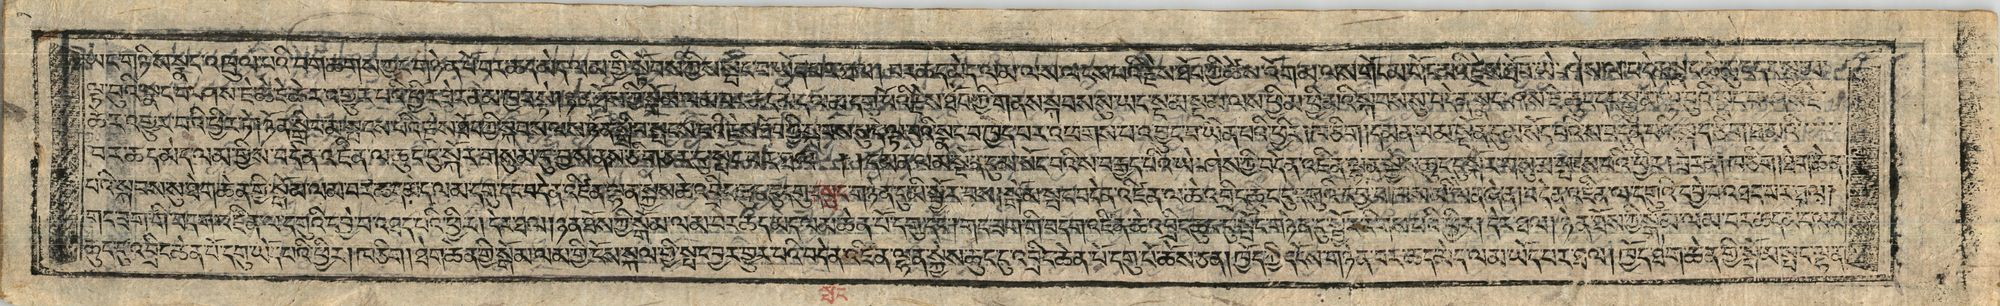ཡང་གཉིས་སྣང་འཁྲུལ་པའི་བག་ཆགས་ཀྱང་གཉེན་པོ་བར་ཆད་མེད་ལམ་གྱི་སྟོབས་ཀྱིས་སྤང་བ་ཡོད་པར་ཐལ། བར་ཆད་མེད་ལམ་ལས་ལངས་པའི་རྗེས་ཐོབ་ཀྱི་ཚེ་ས་འོག་མ་ལས་གོང་མ་གོང་མའི་རྗེས་ཐོབ་ཡེ་ཤེས་ལ་བདེན་སྣང་ཆེ་ཆུང་དང་སྒྱུ་མ་
ལྟ་བུའི་སྣང་བ་ཤས་ཇེ་ཆེ་ཇེ་ཆེར་འགྱུར་པའི་ཕྱིར་ཟེར་ན་མ་ཁྱབ་སྟེ། ཉན་ཐོས་ཀྱི་སྒོམ་ལམ་བར་ཆད་མེད་ལམ་དགུ་པོའི་རྗེས་ཐོབ་ཀྱི་གནས་སྐབས་སུ་ཡང་སྔ་མ་སྔ་མ་ལས་ཕྱི་མ་ཕྱི་མའི་སྐབས་སུ་བདེན་སྣང་ཤས་ཇེ་ཆུང་དང་སྒྱུ་མ་ལྟ་བུའི་སྣང་བ་ཤས་ཇེ་
ཆེར་འགྱུར་བའི་ཕྱིར་ཏེ། ཉོན་སྒྲིབ་མ་སྤངས་པའི་རྗེས་ཐོབ་ཀྱི་སྐབས་ལས་ཉོན་སྒྲིབ་སྤངས་པའི་རྗེས་ཐོབ་ཀྱི་སྐབས་སུ་དེ་ལྟ་བུའི་སྣང་བ་ཁྱད་པར་འཕགས་པ་འབྱུང་བ་ཡིན་པའི་ཕྱིར། ཁ་ཅིག ། དམན་ལམ་སྔོན་དུ་མ་སོང་བའི་ས་བདུན་པའི་སྐད་ཅིག་ཐ་མའི་
བར་ཆད་མེད་ལམ་གྱིས་བདེན་འཛིན་ལ་ཆུང་ངུ་སྐོར་གསུམ་དུ་བྱས་ནས་ཅིག་ཅར་དུ་སྤོང་བར་ཐལ། །དམན་ལམ་སྔོན་དུ་མ་སོང་བའི་ས་བརྒྱད་པའི་ཡེ་ཤེས་ཀྱི་བདེན་འཛིན་ལྷན་སྐྱེས་ཆུང་ངུ་སྐོར་གསུམ་སྤངས་པའི་ཕྱིར། ཟེར་ན། ཁ་ཅིག ། ཐེག་ཆེན་
པའི་སྐབས་སུ་ཐེག་ཆེན་གྱི་སྒོམ་ལམ་བར་ཆད་མེད་ལམ་དགུ་དང་བདེན་འཛིན་ལྷན་སྐྱེས་ཆེ་འབྲིང་ཆུང་ངུ་དགུ་སྤང་གཉེན་དུ་མི་སྦྱོར་བས། སྒོམ་སྤང་བདེན་འཛིན་ལ་ཆེ་འབྲིང་ཆུང་ངུ་དགུའི་དབྱེ་བ་ཁས་མི་ལེན་ཞེ་ན། བདེན་འཛིན་ལ་དགུའི་དབྱེ་བ་འཐད་པར་ཐལ།
གང་ཟག་གི་བདག་འཛིན་ལ་དགུའི་དབྱེ་བ་འཐད་པའི་ཕྱིར། དེར་ཐལ། ཉན་ཐོས་ཀྱི་སྒོམ་ལམ་བར་ཆད་མེད་ལམ་ཆེན་པོ་དགུ་དང་། གང་ཟག་གི་བདག་འཛིན་ཆེ་འབྲིང་ཆུང་ངུ་སྤོང་གཉེན་དུ་སྦྱོར་རིགས་པའི་ཕྱིར། དེར་ཐལ། ཉེན་ཐོས་ཀྱི་སྒོམ་ལམ་བར་ཆད་མེད་ལམ་
ཆུང་ངུ་འབྲིང་ཆེན་པོ་དགུ་ཡོད་པའི་ཕྱིར། ཁ་ཅིག ། ཐེག་ཆེན་གྱི་སྒོམ་ལམ་གྱི་ངོས་སྐལ་གྱི་སྤང་བྱར་གྱུར་པའི་བདེན་འཛིན་ལྷན་སྐྱེས་ཆུང་ངུ་འབྲིང་ཆེན་པོ་དགུ་པོ་ཆོས་ཅན། ཁྱོད་ཀྱི་དངོས་གཉེན་བར་ཆད་མེད་ལམ་ཡོད་པར་ཐལ། ཁྱོད་ཐེག་ཆེན་གྱི་སྒོམ་སྤང་ལྷན་